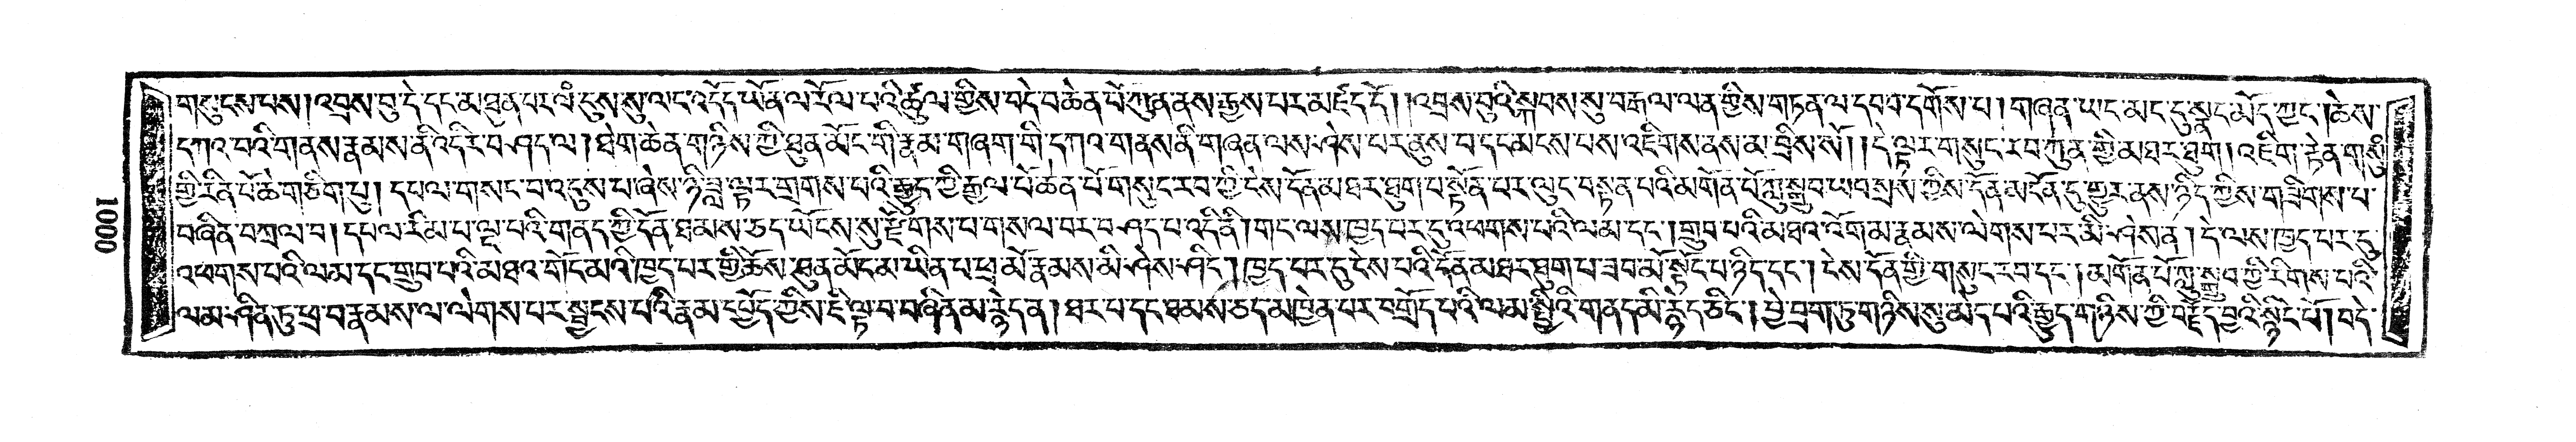གསུངས་པས། འབྲས་བུ་དེ་དང་མཐུན་པར་ལམ་དུས་སུ་ལང་འདོད་ཡོན་ལ་རོལ་པའི་ཚུལ་གྱིས་བདེ་བ་ཆེན་པོ་ཀུན་ནས་རྒྱས་པར་མཛད་དོ། །འབྲས་བུའི་སྐབས་སུ་བརྒལ་ལན་གྱིས་གཏན་ལ་དབབ་དགོས་པ། གཞན་ཡང་མང་དུ་སྣང་མོད་ཀྱང་། ཆེས་
དགའ་བའི་གནས་རྣམས་ནི་འདིར་བཤད་ལ། ཐེག་ཆེན་གཉིས་ཀྱི་ཐུན་མོང་གི་རྣམ་གཞག་གི་དཀའ་གནས་ནི་གཞན་ལས་ཤེས་པར་ནུས་པ་དང་མངས་པས་འཇིགས་ནས་མ་བྲིས་སོ། །དེ་ལྟར་གསུང་རབ་ཀུན་གྱི་མཐར་ཐུག །འཇིག་རྟེན་གསུམ་
གྱི་རིན་པོ་ཆེ་གཅིག་པུ། དཔལ་གསང་བ་འདུས་པ་ཞེས་ཉི་ཟླ་ལྟར་གྲགས་པའི་རྒྱུད་ཀྱི་རྒྱལ་པོ་ཆེན་པོ་གསུང་རབ་ཀྱི་ངེས་དོན་མཐར་ཐུག་པ་སྟོན་པར་ལུང་བསྟན་པའི་མགོན་པོ་ཀླུ་སྒྲུབ་ཡབ་སྲས་ཀྱིས་དོན་མངོན་དུ་གྱུར་ནས་ཉིད་ཀྱིས་གཟིགས་པ་
བཞིན་བཀྲལ་བ། དཔལ་རིམ་པ་ལྔ་པའི་གནད་ཀྱི་དོན་ཐམས་ཅད་ཡོངས་སུ་རྫོགས་པ་གསལ་བར་བཤད་པ་འདྲ་ནི། གང་ལས་ཁྱད་པར་དུ་འཕགས་པའི་ལམ་དང་། གྲུབ་པའི་མཐའ་འོག་མ་རྣམས་ལེགས་པར་མི་ཤེས་ན། དེ་ལས་ཁྱད་པར་དུ་
འཕགས་པའི་ལམ་དང་གྲུབ་པའི་མཐའ་གོང་མའི་ཁྱད་པར་གྱི་ཆོས་ཐུན་མོང་མ་ཡིན་པ་ཕྲ་མོ་རྣམས་མི་ཤེས་ཤིང་། ཁྱད་པར་དུ་ངེས་པའི་དོན་མཐར་ཐུག་པ་ཟབ་མོ་སྟོང་པ་ཉིད་དང་། ངེས་དོན་གྱི་གསུང་རབ་དང་། མགོན་པོ་ཀླུ་སྒྲུབ་ཀྱི་རིགས་པའི་
ལམ་ཤིན་ཏུ་ཕྲ་བ་རྣམས་ལ་ལེགས་པར་སྦྱངས་པའི་རྣམ་དཔྱོད་ཀྱིས་ཇི་ལྟ་བ་བཞིན་མ་རྙེད་ན། ཐར་པ་དང་ཐམས་ཅད་མཁྱེན་པར་འགྲོད་པའི་ལམ་སྤྱིའི་གནད་མི་རྙེད་ཅིང་། བྱེ་བྲག་ཏུ་གཉིས་སུ་མེད་པའི་རྒྱུད་གཉིས་ཀྱི་བརྗོད་བྱའི་སྙིང་པོ། བདེ་